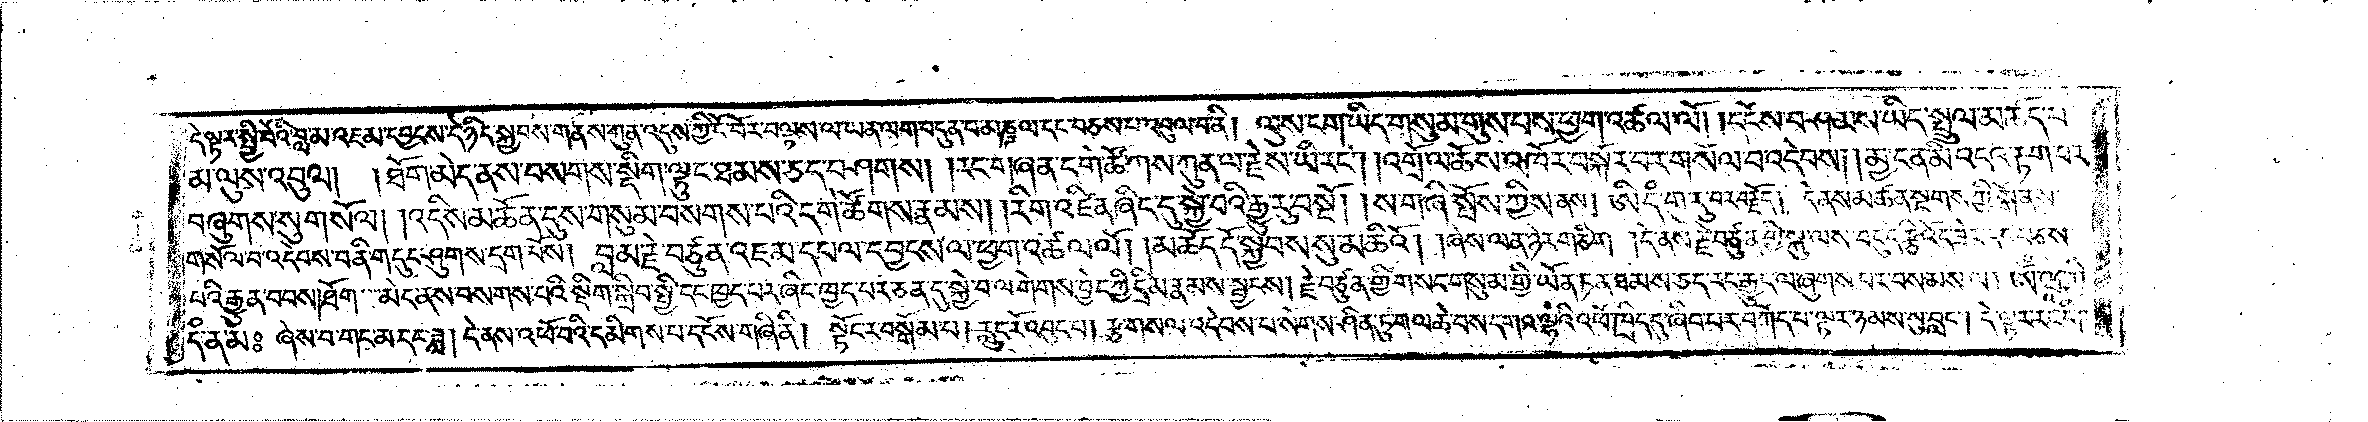དེ་ལྟར་སྤྱི་བོའི་བླ་མ་འཇམ་དབྱངས་དེ་ཉིད་སྐྱབས་གནས་ཀུན་འདུས་ཀྱི་ངོ་བོར་བལྟས་ལ་ཡན་ལག་བདུན་པ་མཎྚལ་དང་བཅས་པ་འབུལ་བ་ནི།  ལུས་ངག་ཡིད་གསུམ་གུས་པས་ཕྱག་འཚལ་ལོ། །དངོས་བཤམས་ཡིད་སྤྲུལ་མཚད་པ་
མ་ལུས་འབུལ། །ཐོག་མེད་ནས་བསགས་སྡིག་ལྟུང་ཐམས་ཅད་བཤགས། །རང་གཞན་དགེ་ཚོག་ཀས་ཀུན་ལ་རྗེས་ཡི་རང་། །འགྲོ་ལ་ཆོས་འཁོར་བསྐོར་བར་གསོལ་བ་འདེབས། །མྱ་ངན་མི་འདའ་རྟག་པར་
བཞུགས་སུ་གསོལ། །འདིས་མཆོན་དུས་གསུམ་བསགས་པའི་དགེ་ཚོགས་རྣམས། །རིག་འཛིན་ཞིང་དུ་སྐྱེ་བའི་རྒྱུ་རུ་བསྔོ། །ས་གཞི་སྦོས་ཀྱིས་ནས། ཨིདཾ་གུ་རུ་བར་བརྗོད། དེ་ནས་མཚན་སྔགས་ཀྱི་སྒོ་ནས་
གསོལ་བ་འདེབས་བ་ནི་གདུང་ཤུགས་དྲག་པོས། བླ་མ་རྗེ་བཙུན་འཇམ་དཔལ་དབྱངས་ལ་ཕྱག་འཚལ་ལོ། །མཆོད་དོ་སྐྱབས་སུ་མཆིའོ། །ཞེས་ལན་ཉེར་གཅིག །དེ་ནས་རྗེ་བཙུན་གྱི་སྐུ་ལས་བདུད་རྩི་འོད་ཟེར་དང་བཅས་
པའི་རྒྱུན་བབས། ཐོག་མེད་ནས་བསགས་པའི་སྡིག་སྒྲིབ་སྤྱི་དང་ཁྱད་པར་ཞིང་ཁྱད་པར་ཅན་དུ་སྐྱེ་བ་ལ་གེགས་བྱེད་ཀྱི་དྲི་མ་རྣམས་སྦྱངས། རྗེ་བཙུན་གྱི་གསང་གསུམ་གྱི་ཡོན་ཏན་ཐམས་ཅད་རང་རྒྱུད་ལ་ཞུགས་པར་བསམས་ལ། ཨོཾ་ཝཱ་ཀྱི་
དཾ་ན་མཿ ཞེས་བ་གང་མ་དང་ཟླ། དེ་ནས་འཕོ་བའི་དམིགས་པ་དངོས་གཞི་ནི། སྟོང་ར་བསྒོམ་པ། རླུང་རོ་འབུང་པ། རྩ་གསལ་འདེབས་པ་སོགས་ཤིན་ཏུ་གལ་ཆེ་བས་དགའ་ལྷའི་འཕོ་ཁྲིད་དུ་ཞིབ་པར་བཀོད་པ་ལྟར་ཉམས་སུ་བླང་། དེ་ལྟར་རང་གི་